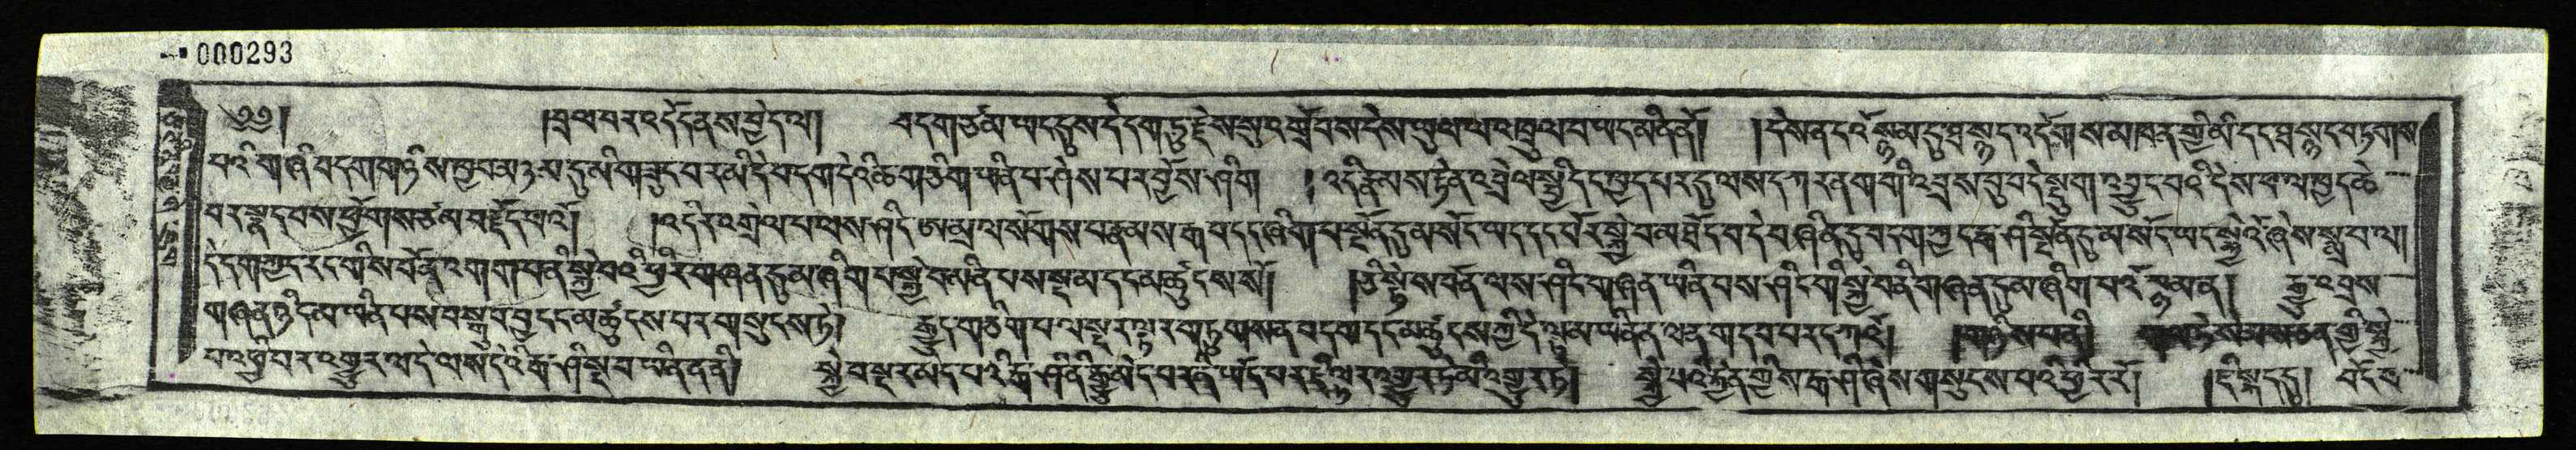༄༅། །བྲལ་བར་འདོད་ནས་བྱེད་ལ། བདག་ཙམ་ཡང་དུས་དེ་དག་ཏུ་རྗེས་སུ་འགྲོ་བས་དེས་ཡུལ་ལ་འཁྲུལ་བ་ཡང་མིན་ནོ། །དེས་ན་ངའོ་སྙམ་དུ་ཐ་སྙད་འདོགས་མཁན་གྱི་མི་དང་ཐ་སྙད་བཏགས་
པའི་གཞི་བདག་གཉིས་ཁྱབ་མཉམ་དུ་མི་གཟུང་བར་མི་དེ་བདག་དེའི་ཆ་གཅིག་ཡིན་པ་ཤེས་པར་བྱོས་ཤིག །འདི་རྣམས་རྟེན་འབྲེལ་སྤྱི་དང་ཁྱད་པར་དུ་ལས་དཀར་ནག་གི་འབྲས་བུ་བདེ་སྡུག་འབྱུང་བའི་དེས་ཕ་ལ་ཁྱད་ཆེ་
བར་སྣང་བས་ཕྱོགས་ཙམ་བརྗོད་པའོ། །འདིར་འགྲེལ་པ་ལས་ཤིང་ཨ་མྲ་ལ་སོགས་པ་རྣམས་རྒ་བ་དང་ཞིག་བ་སྔོན་དུ་མ་སོང་ཡང་དང་པོར་སྐྱེ་བ་མཐོང་བ་དེ་བཞིན་དུ་བདག་ཀྱང་རྒ་ཤི་སྔོན་དུ་མ་སོང་ཡང་སྐྱེའོ་ཞེས་སྨྲ་བ་ལ།
དེ་དག་ཀྱང་རང་གི་ས་བོན་འགག་པ་ནི་སྐྱེ་བའི་ཕྱིར་གཞན་དུ་མ་ཞིག་པ་སྐྱེ་བ་མིན་པས་སྔ་མ་དང་མཚུངས་སོ། །ཅི་སྟེ་ས་བོན་ལས་ཤིང་གཞན་ཡིན་པས་ཤིང་གི་སྐྱེ་བ་ནི་གཞན་དུ་མ་ཞིག་པའོ་སྙམ་ན། རྒྱུ་འབྲས་
གཞན་ཉིད་མ་ཡིན་པས་བསྒྲུབ་བྱ་དང་མཚུངས་པར་གསུངས་ཏེ། རྒྱུད་གཅིག་པ་ལ་སྔར་ལྟར་གཏུགས་ན་བདག་དང་མཚུངས་ཀྱི་དེ་ལྟ་མ་ཡིན་ན་ལན་གདབ་པར་དཀའོ། །གཉིས་པ་ནི། གལ་ཏེ་སེམས་ཅན་གྱི་སྐྱེ་
བ་འཕྱི་བར་འགྱུར་ལ་དེ་ལས་དེའི་རྒ་ཤི་སྔ་བ་ཡིན་ན་ནི། སྐྱེ་བ་སྔར་མེད་པའི་རྒ་ཤི་ནི་རྒྱུ་མེད་པར་ནི་ཡོད་པར་ཇི་ལྟར་འགྱུར་ཏེ་མི་འགྱུར་ཏེ། སྐྱེ་བའི་རྐྱེན་གྱིས་རྒ་ཤི་ཞེས་གསུངས་པའི་ཕྱིར་རོ། །ཇི་སྐད་དུ། བོད་པ་